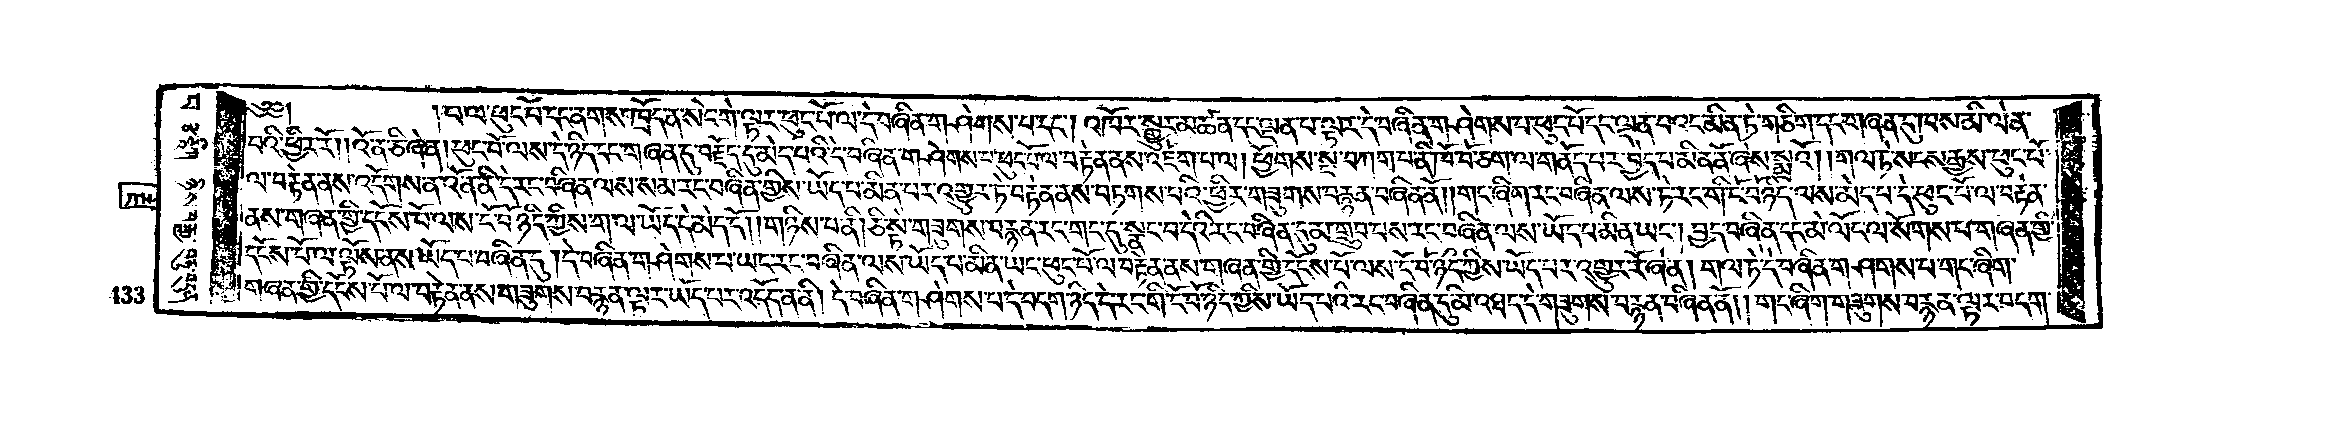༄༅། །པ་ལ་ཕུང་པོ་དང་ནགས་ཁྲོད་ན་སེང་གེ་ལྟར་ཕུང་པོ་ལ་དེ་བཞིན་གཤེགས་པ་དང་། འཁོར་སྒྱུར་མཆན་དང་ལྡན་པ་ལྟར་དེ་བཞིན་གཤེགས་པ་ཕུང་པོ་དང་ལྡན་པའང་མིན་ཏེ་གཅིག་དང་གཞན་དུ་ཁས་མི་ལེན་
པའི་ཕྱིར་རོ། །འོ་ན་ཅི་ཞེ་ན། ཕུང་པོ་ལས་དེ་ཉིད་དང་གཞན་དུ་བརྗོད་དུ་མེད་པའི་དེ་བཞིན་གཤེགས་པ་ཕུང་པོ་ལ་བརྟེན་ནས་འཇིག་པ་ལ། ཕྱོགས་སྔ་བཀག་པ་ནི་ཁོ་བོ་ཅག་ལ་གནོད་པར་བྱེད་པ་མིན་ནོ་ཞེས་སྨྲའོ། །གལ་ཏེ་སངས་རྒྱས་ཕུང་པོ་
ལ་བརྟེན་ནས་འདོགས་ན་འོ་ན་ནི་དེ་རང་བཞིན་ལས་སམ་རང་བཞིན་གྱིས་ཡོད་པ་མིན་པར་འགྱུར་ཏེ་བརྟེན་ནས་བཏགས་པའི་ཕྱིར་གཟུགས་བརྙན་བཞིན་ནོ། །གང་ཞིག་རང་བཞིན་ལས་ཏེ་རང་གི་ངོ་བོ་ཉིད་ལས་མེད་པ་དེ་ཕུང་པོ་ལ་བརྟེན་
ནས་གཞན་གྱི་དངོས་པོ་ལས་ངོ་བོ་ཉིད་ཀྱིས་ག་ལ་ཡོད་དེ་མེད་དོ། །གཉིས་པ་ནི། ཅི་སྟེ་གཟུགས་བརྙན་རང་གང་དུ་སྣང་བ་དེའི་རང་བཞིན་དུ་མ་གྲུབ་པས་རང་བཞིན་ལས་ཡོད་པ་མིན་ཡང་། བྱད་བཞིན་དང་མེ་ལོང་ལ་སོགས་པ་གཞན་གྱི་
དངོས་པོ་ལ་ལྟོས་ནས་ཡོད་པ་བཞིན་དུ། དེ་བཞིན་གཤེགས་པ་ཡང་རང་བཞིན་ལས་ཡོད་པ་མིན་ཡང་ཕུང་པོ་ལ་བརྟེན་ནས་གཞན་གྱི་དངོས་པོ་ལས་ངོ་བོ་ཉིད་ཀྱིས་ཡོད་པར་འགྱུར་རོ་ཞེ་ན། གལ་ཏེ་དེ་བཞིན་གཤེགས་པ་གང་ཞིག་
གཞན་གྱི་དངོས་པོ་ལ་བརྟེན་ནས་གཟུགས་བརྙན་ལྟར་ཡོད་པར་འདོད་ན་ནི། དེ་བཞིན་གཤེགས་པ་དེ་བདག་ཉིད་དེ་རང་གི་ངོ་བོ་ཉིད་ཀྱིས་ཡོད་པའི་རང་བཞིན་དུ་མི་འཐད་དེ་གཟུགས་བརྙན་བཞིན་ནོ། །གང་ཞིག་གཟུགས་བརྙན་ལྟར་བདག་